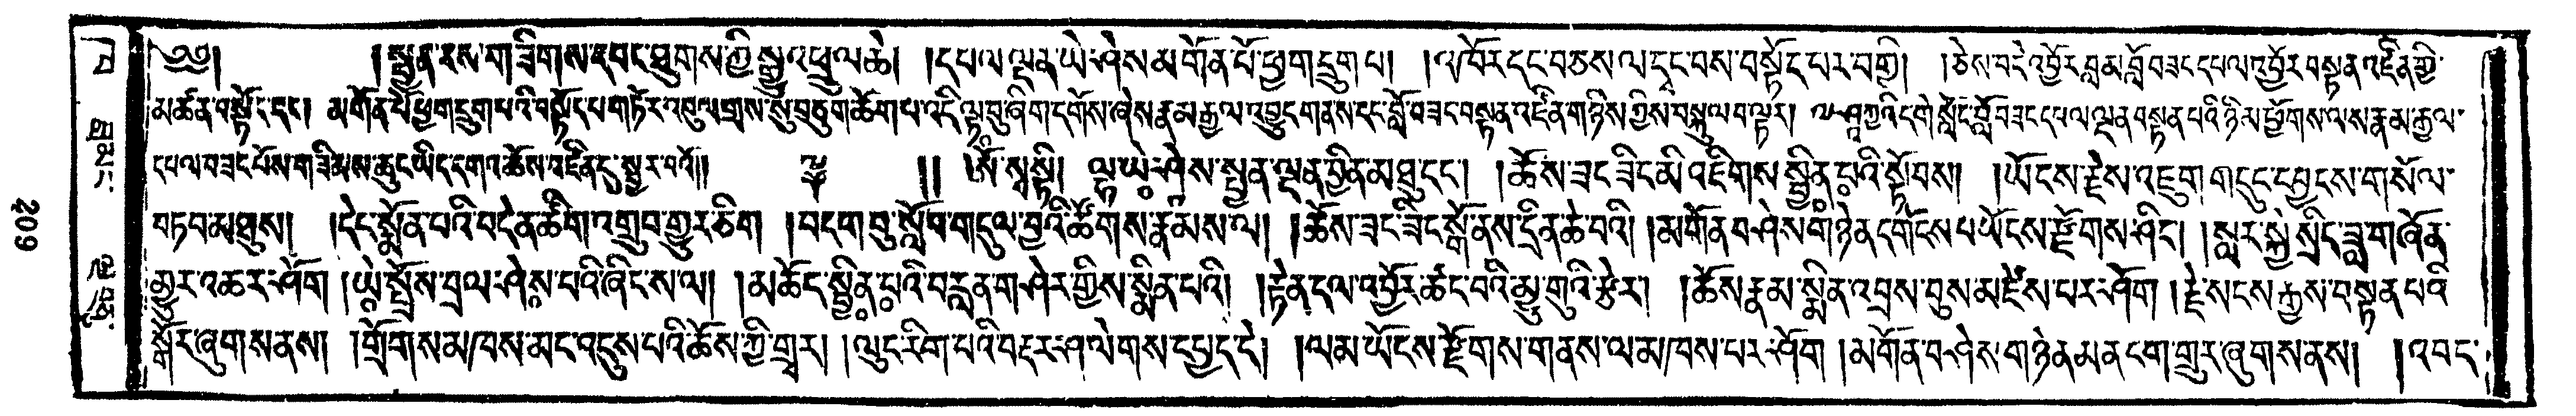༄༅། །སྤྱན་རས་གཟིགས་དབང་ཐུགས་ཀྱི་སྒྱུ་འཕྲུལ་ཆེ། །དཔལ་ལྡན་ཡེ་ཤེས་མགོན་པོ་ཕྱག་དྲུག་པ། །འཁོར་དང་བཅས་ལ་དྭང་བས་བསྟོང་པར་བགྱི། །ཅེས་བདེ་འབྱོར་བླ་མ་བློ་བཟང་དཔལ་འབྱོར་བསྟན་འཛིན་གྱི་
མཚན་བསྟོད་དང་། མགོན་པོ་ཕྱག་དྲུག་པའི་བསྟོད་པ་གཏོར་འབུལ་གྲས་སུ་བཅུག་ཆོག་པ་འདི་ལྟ་བུ་ཞིག་དགོས་ཞེས་རྣམ་རྒྱལ་འབྱུང་གནས་དང་བློ་བཟང་བསྟན་འཛིན་གཉིས་ཀྱིས་བསྐུལ་བ་ལྟར། ༧་ཤཱཀྱའི་དགེ་སློང་བློ་བཟང་དཔལ་ལྡན་བསྟན་པའི་ཉི་མ་ཕྱོགས་ལས་རྣམ་རྒྱལ་
དཔལ་བཟང་པོས་གཟིམས་ཆུང་ཡིད་དགའ་ཆོས་འཛིན་དུ་སྦྱར་བའོ།། ༈ །།ཨོཾ་སྭསྟི། ལྷ་ཡེ་ཤེས་སྤྱན་ལྡན་བྱིན་མཐུ་དང་། །ཆོས་ཟང་ཟིང་མི་འཇིགས་སྦྱིན་པའི་སྟོབས། །ཡོངས་རྗེས་འཇུག་གདུང་དབྱངས་གསོལ་
བཏབ་མཐུས། །དེང་སྨོན་པའི་བདེན་ཚིག་འགྲུབ་གྱུར་ཅིག །བདག་བུ་སློབ་གདུལ་བྱའི་ཚོགས་རྣམས་ལ། །ཆོས་ཟང་ཟིང་སྒོ་ནས་དྲིན་ཆེ་བའི། །མགོན་བཤེས་གཉེན་དགོངས་པ་ཡོངས་རྫོགས་ཤིང་། །སླར་སྐྱེ་སྲིད་ཟླ་གཞོན་
མྱུར་འཆར་ཤོག །ཡེ་སྤྲོས་བྲལ་ཤེས་པའི་ཞིང་ས་ལ། །མཆོད་སྦྱིན་པའི་བརླན་གཤེར་གྱིས་སྨིན་པའི། །རྟེན་དལ་འབྱོར་ཚང་བའི་མྱུ་གུའི་རྩེར། །ཆོས་རྣམ་སྨིན་འབྲས་བུས་མཛེས་པར་ཤོག །རྗེ་སངས་རྒྱས་བསྟན་པའི་
སྒོར་ཞུགས་ནས། །གྲོགས་མཁས་མང་འདུས་པའི་ཆོས་ཀྱི་གྲྭར། །ལུང་རིག་པའི་བརྡར་ཤ་ལེགས་དཔྱད་དེ། །ལམ་ཡོངས་རྫོགས་གནས་ལ་མཁས་པར་ཤོག །མགོན་བཤེས་གཉེན་མན་ངག་གྲུར་ཞུགས་ནས། །འབད་